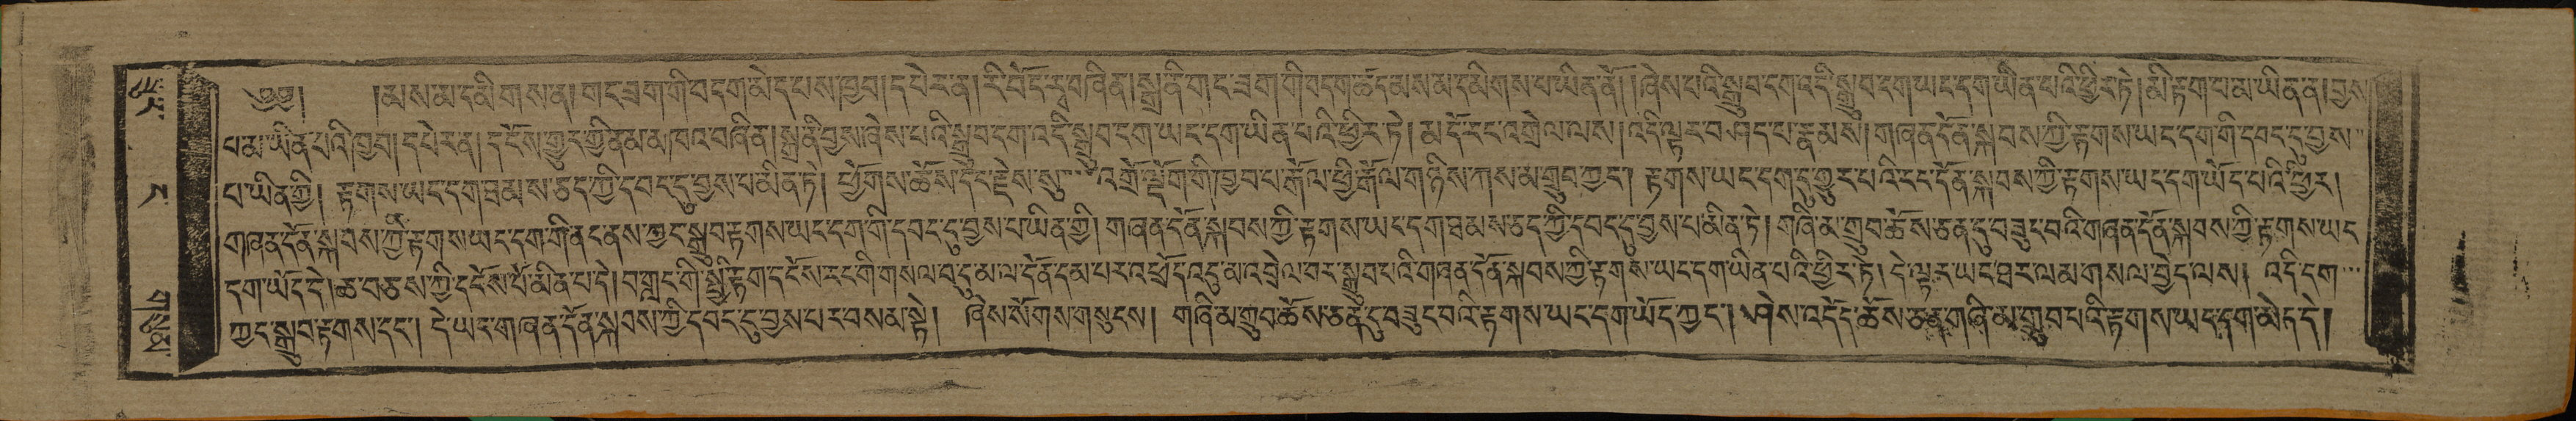༄༅། །མས་མ་དམིགས་ན། གང་ཟག་གི་བདག་མེད་པས་ཁྱབ། དཔེར་ན། རི་བོང་རྭ་བཞིན། སྒྲ་ནི་གང་ཟག་གི་བདག་ཚད་མས་མ་དམིགས་པ་ཡིན་ནོ། །ཞེས་པའི་སྒྲུབ་ངག་འདི་སྒྲུབ་ངག་ཡང་དག་ཡིན་པའི་ཕྱིར་ཏེ། མི་རྟག་པ་མ་ཡིན་ན། བྱས་
པ་མ་ཡིན་པས་ཁྱབ། དཔེར་ན། དངོས་གྱུར་གྱི་ནམ་མཁའ་བཞིན། སྒྲ་ནི་བྱས་ཞེས་པའི་སྒྲུབ་ངག་འདི་སྒྲུབ་ངག་ཡང་དག་ཡིན་པའི་ཕྱིར་ཏེ། མདོ་རང་འགྲེལ་ལས། འདི་ལྟར་བཤད་པ་རྣམས། གཞན་དོན་སྐབས་ཀྱི་རྟགས་ཡང་དག་གི་དབང་དུ་བྱས་
པ་ཡིན་གྱི། རྟགས་ཡང་དག་ཐམས་ཅད་ཀྱི་དབང་དུ་བྱས་པ་མིན་ཏེ། ཕྱོགས་ཆོས་དང་རྗེས་སུ་འགྲོ་ལྡོག་གི་ཁྱབ་པ་རྒོལ་ཕྱི་རྒོལ་གཉིས་ཀས་མ་གྲུབ་ཀྱང་། རྟགས་ཡང་དག་དུ་གྱུར་པའི་རང་དོན་སྐབས་ཀྱི་རྟགས་ཡང་དག་ཡོད་པའི་ཕྱིར།
གཞན་དོན་སྐབས་ཀྱི་རྟགས་ཡང་དག་གི་ནང་ནས་ཀྱང་སྒྲུབ་རྟགས་ཡང་དག་གི་དབང་དུ་བྱས་པ་ཡིན་གྱི། གཞན་དོན་སྐབས་ཀྱི་རྟགས་ཡང་དག་ཐམས་ཅད་ཀྱི་དབང་དུ་བྱས་པ་མིན་ཏེ། གཞི་མ་གྲུབ་ཆོས་ཅན་དུ་བཟུང་བའི་གཞན་དོན་སྐབས་ཀྱི་རྟགས་ཡང་
དག་ཡོད་དེ། ཆ་བཅས་ཀྱི་དངོས་པོ་མིན་པ་དེ། བ་གླང་གི་སྤྱི་རྟག་དངོས་རང་གི་གསལ་བ་དུ་མ་ལ་དོན་དམ་པར་འཕྲོད་འདུ་མ་འབྲེལ་བར་སྒྲུབ་པའི་གཞན་དོན་སྐབས་ཀྱི་རྟགས་ཡང་དག་ཡིན་པའི་ཕྱིར་ཏེ། དེ་ལྟར་ཡང་ཐར་ལམ་གསལ་བྱེད་ལས། འདི་དག་
ཀྱང་སྒྲུབ་རྟགས་དང་། དེ་ཡང་གཞན་དོན་སྐབས་ཀྱི་དབང་དུ་བྱས་པར་བསམ་སྟེ། ཞེས་སོགས་གསུངས། གཞི་མ་གྲུབ་ཆོས་ཅན་དུ་བཟུང་བའི་རྟགས་ཡང་དག་ཡོད་ཀྱང་། ཤེས་འདོད་ཆོས་ཅན་གཞི་མ་གྲུབ་པའི་རྟགས་ཡང་དག་མེད་དེ།